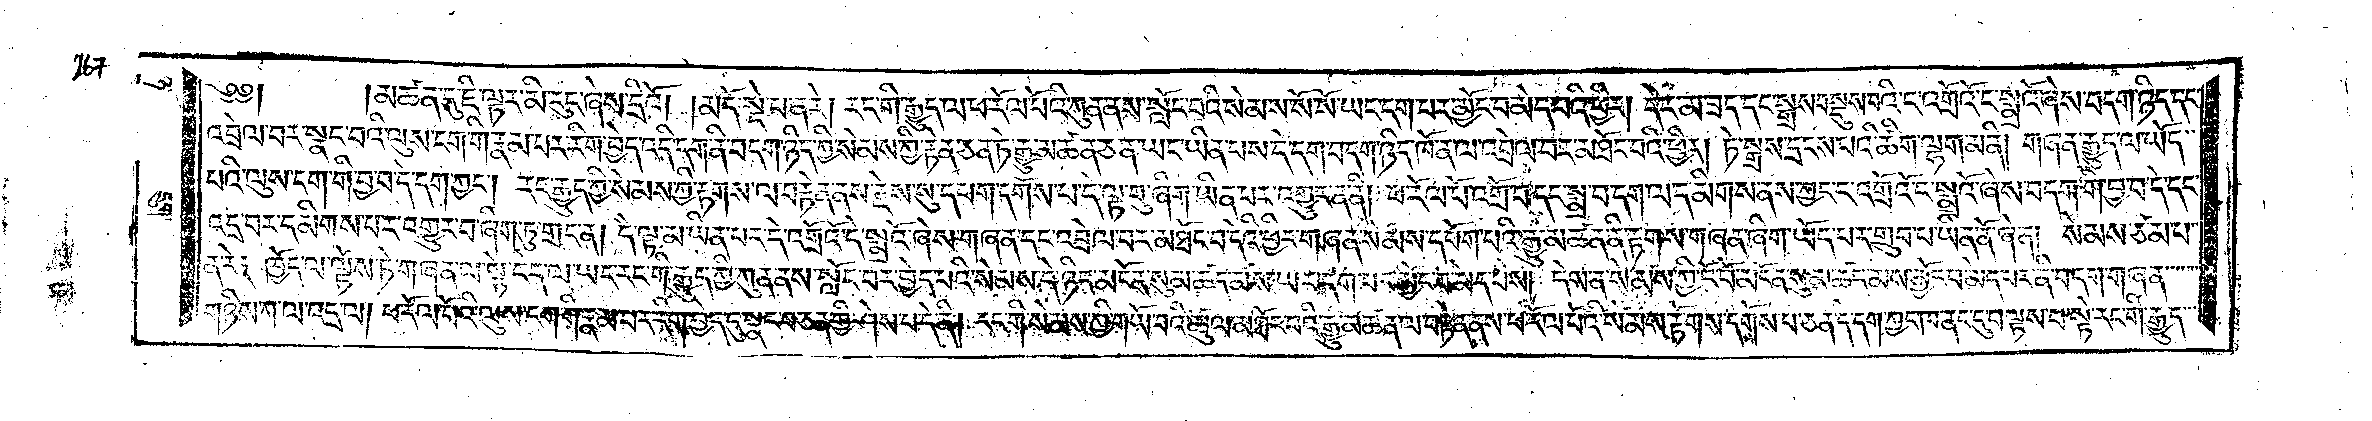༄༅། །མཚན་དུ་ཇི་ལྟར་མི་རུང་ཞེས་དྲིའོ། །མདོ་སྡེ་པ་ན་རེ། རང་གི་རྒྱུད་ལ་ཕ་རོལ་པོའི་ཀུན་ནས་སློང་བའི་སེམས་སོ་སོ་ཡང་དག་པར་མྱོང་བ་མེད་པའི་ཕྱིར། དེར་མ་ཟད་དང་སྒྲས་བསྡུས་བའི་ང་འགྲོའོ་ང་སྨྲའོ་ཞེས་བདག་ཉིད་དང་
འབྲེལ་བར་སྣང་བའི་ལུས་ངག་གི་རྣམ་པར་རིག་བྱེད་འདི་དག་ནི་བདག་ཉིད་ཀྱི་སེམས་ཀྱི་རྟེན་ཅན་ཏེ་རྒྱུ་མཚན་ཅན་ཡང་ཡིན་པས་དེ་དག་བདག་ཉིད་ཁོ་ན་ལ་འབྲེལ་བར་མཐོང་བའི་ཕྱིར། ཏེ་སྒྲས་དྲངས་པའི་ཚིག་ལྷག་མ་ནི། གཞན་རྒྱུད་ལ་ཡོད་
པའི་ལུས་ངག་གི་བྱ་བ་དེ་དག་ཀྱང་། རང་རྒྱུད་ཀྱི་སེམས་ཀྱི་རྟགས་ལ་བརྟེན་ནས་རྗེས་སུ་དཔག་དགོས་པ་དེ་ལྟ་བུ་ཞིག་ཡིན་པར་འགྱུར་ན་ནི། ཕ་རོལ་པོ་འགྲོ་བ་དང་སྨྲ་བ་དག་ལ་དམིགས་ནས་ཀྱང་ང་འགྲོའོ་ང་སྨྲའོ་ཞེས་བདག་གི་བྱ་བ་དེ་དང་
འདྲ་བར་དམིགས་པར་འགྱུར་བ་ཞིག་ཏུ་གྲང་ན། དེ་ལྟ་མ་ཡིན་པར་དེ་འགྲོའི་དེ་སྨྲའོ་ཞེས་གཞན་དང་འབྲེལ་བར་མཐོང་བ་དེའི་ཕྱིར་གཞན་སེམས་དཔོག་པའི་རྒྱུ་མཚན་ནི་རྟགས་གཞན་ཞིག་ཡོད་པར་གྲུབ་པ་ཡིན་ནོ་ཞེ་ན། སེམས་ཙམ་པ་
ན་རེ༑ ཁྱོད་ལ་ལྟོས་ཏེ་གཞན་ལ་སྟེ་ངེད་ལ་ཡང་རང་གི་རྒྱུད་ཀྱི་ཀུན་ནས་སློང་བར་བྱེད་པའི་སེམས་དེ་ཉིད་མངོན་སུམ་ཚད་མས་ཡ་བདག་པར་མྱོང་བ་མེད་པས། དེས་ན་སེམས་ཀྱི་ངོ་བོ་མངོན་སུམ་ཚད་མས་མྱོང་བ་མེད་པར་ནི་བདག་གཞན་
གཉིས་ཀ་ལ་འདྲ་ལ། ཕ་རོལ་བོའི་ལུས་ངག་གི་རྣམ་པར་རིག་བྱེད་དུ་སྣང་བ་ཅན་གྱི་ཤེས་པ་དེ་ནི། རང་གི་སེམས་ཀྱི་གཡོ་བའི་ཚུལ་མཐོང་བའི་རྒྱུ་མཚན་ལ་བརྟེན་ནས་ཕ་རོལ་པོའི་སེམས་རྟོགས་དགོས་པ་ཅན་དེ་དག་ཀྱང་ཁ་ནང་དུ་བལྟས་པ་སྟེ་རང་གི་རྒྱུད་